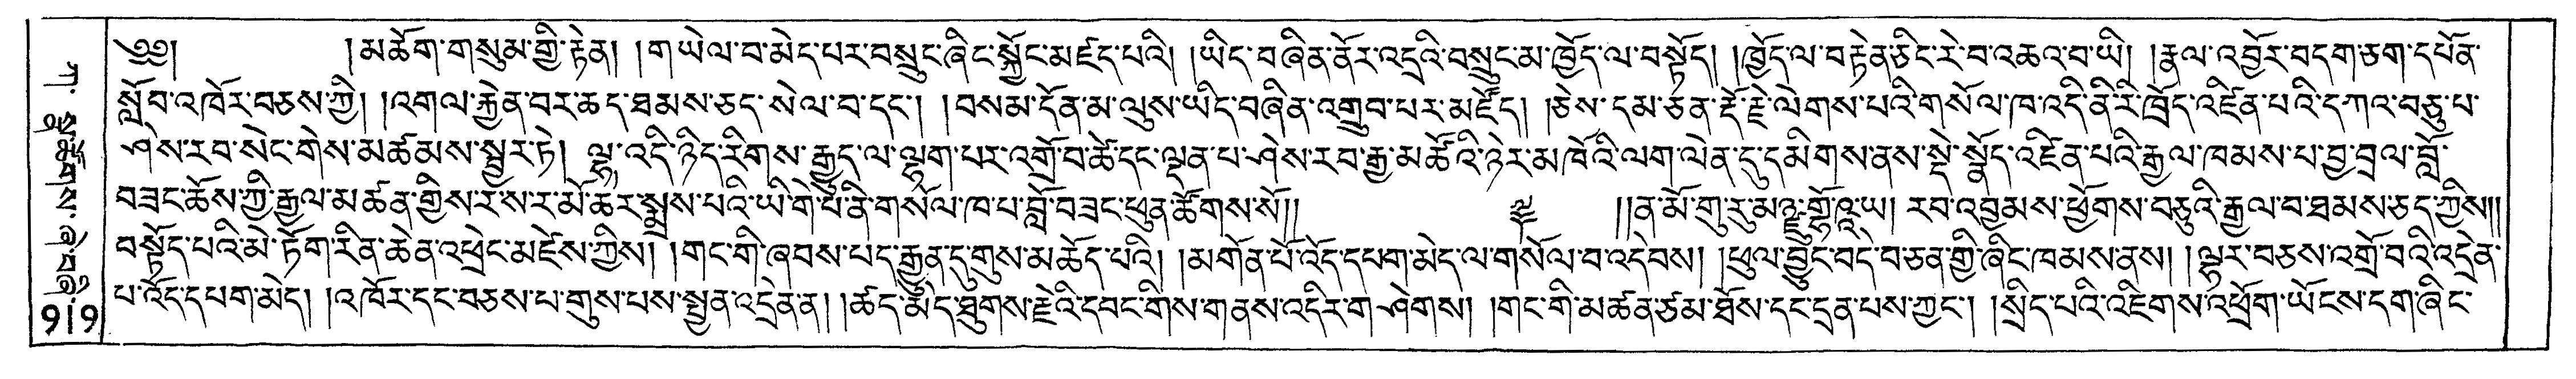༄༅། །མཆོག་གསུམ་གྱི་རྟེན། །གཡེལ་བ་མེད་པར་བསྲུང་ཞིང་སྐྱོང་མཛད་པའི། །ཡིད་བཞིན་ནོར་འདྲའི་བསྲུང་མ་ཁྱོད་ལ་བསྟོད། །ཁྱོད་ལ་བརྟེན་ཅིང་རེ་བ་འཆའ་བ་ཡི། །རྣལ་འབྱོར་བདག་ཅག་དཔོན་
སློབ་འཁོར་བཅས་ཀྱི། །འགལ་རྐྱེན་བར་ཆད་ཐམས་ཅད་སེལ་བ་དང་། །བསམ་དོན་མ་ལུས་ཡིད་བཞིན་འགྲུབ་པར་མཛོད། །ཅེས་དམ་ཅན་རྡོ་རྗེ་ལེགས་པའི་གསོལ་ཁ་འདི་ནི་རི་ཁྲོད་འཛིན་པའི་དཀའ་བཅུ་པ་
ཤེས་རབ་སེང་གེས་མཚམས་སྦྱར་ཏེ། ལྷ་འདི་ཉིད་རིགས་རྒྱུད་ལ་ལྷག་པར་འགྲོ་བ་ཚེ་དང་ལྡན་པ་ཤེས་རབ་རྒྱ་མཚོའི་ཉེར་མཁོའི་ལག་ལེན་དུ་དམིགས་ནས་སྡེ་སྣོད་འཛིན་པའི་རྒྱལ་ཁམས་པ་བྱ་བྲལ་བློ་
བཟང་ཆོས་ཀྱི་རྒྱལ་མཚན་གྱིས་ར་ས་ར་མོ་ཆེར་སྨྲས་པའི་ཡི་གེ་པ་ནི་གསོལ་ཁ་པ་བློ་བཟང་ཕུན་ཚོགས་སོ།། ༈ །།ན་མོ་གུ་རུ་མཉྫུ་གྷོ་ཥཱ་ཡ། རབ་འབྱམས་ཕྱོགས་བཅུའི་རྒྱལ་བ་ཐམས་ཅད་ཀྱིས།།
བསྟོད་པའི་མེ་ཏོག་རིན་ཆེན་འཕྲེང་མཛེས་ཀྱིས། །གང་གི་ཞབས་པད་རྒྱུན་དུ་གུས་མཆོད་པའི། །མགོན་པོ་འོད་དཔག་མེད་ལ་གསོལ་བ་འདེབས། །ཕུལ་བྱུང་བདེ་བ་ཅན་གྱི་ཞིང་ཁམས་ནས། །ལྷར་བཅས་འགྲོ་བའི་འདྲེན་
པ་འོད་དཔག་མེད། །འཁོར་དང་བཅས་པ་གུས་པས་སྤྱན་འདྲེན་ན། །ཚད་མེད་ཐུགས་རྗེའི་དབང་གིས་གནས་འདིར་གཤེགས། །གང་གི་མཚན་ཙམ་ཐོས་དང་དྲན་པས་ཀྱང་། །སྲིད་པའི་འཇིགས་འཕྲོག་ཡོངས་དག་ཞིང་